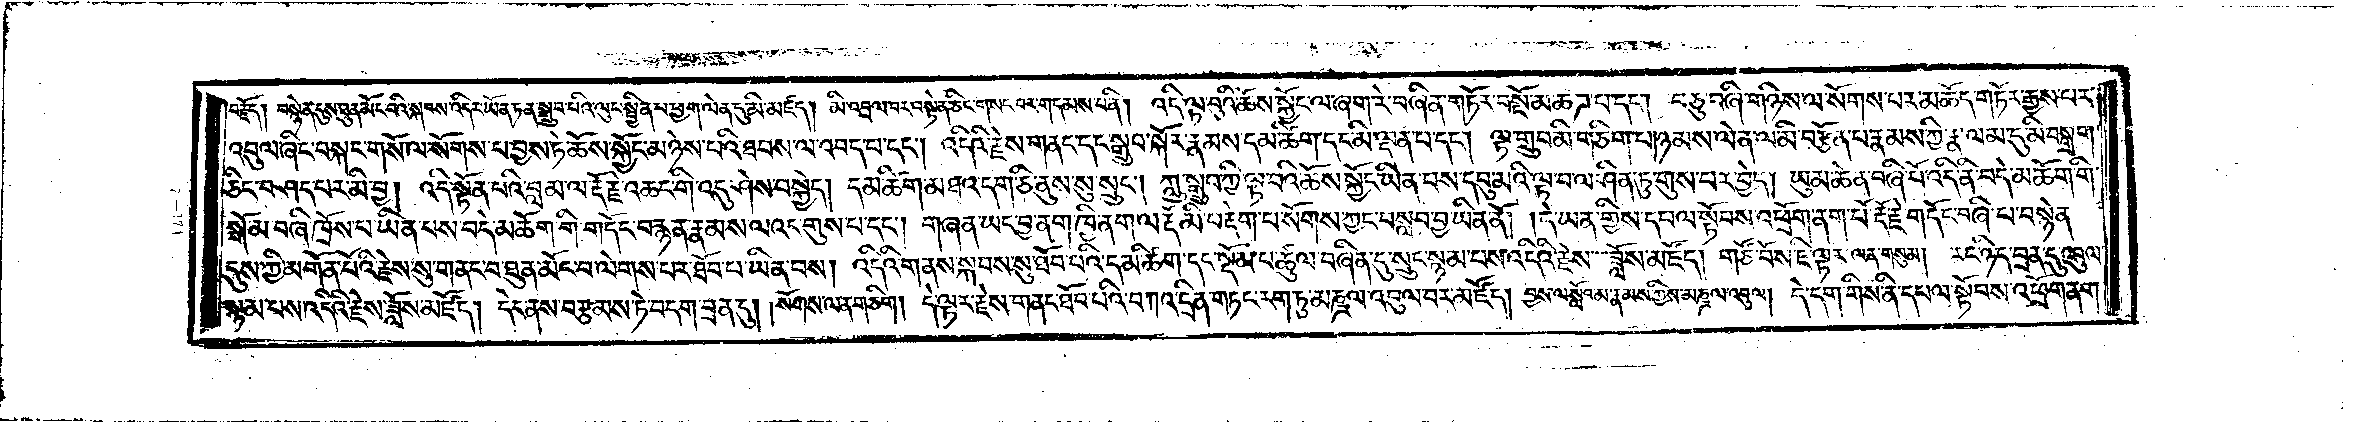བརྗོད། བསྙེན་དུས་ཐུན་མོང་བའི་སྐབས་འདིར་ཡོན་ཏན་སྒྲུབ་པའི་ལུང་སྦྱིན་པ་ཕྱག་ལེན་དུ་མི་མཛད། མི་འབྲལ་བར་བསྟེན་ཅིང་གསང་བར་གདམས་པ་ནི། འདི་ལྟ་བུའི་ཆོས་སྐྱོང་ལ་ཞག་རེ་བཞིན་གཏོར་བསྔོ་མ་ཆག་པ་དང་། བཅུ་བཞི་གཉིས་ལ་སོགས་པར་མཆོད་གཏོར་རྒྱས་པར་
འབུལ་ཞིང་བསྐང་གསོ་ལ་སོགས་པ་བྱས་ཏེ་ཆོས་སྐྱོང་མཉེས་པའི་ཐབས་ལ་འབད་པ་དང་། འདིའི་རྗེས་གནང་དང་སྒྲུབ་སྐོར་རྣམས་དམ་ཚིག་དང་མི་ལྡན་པ་དང་། ལྟ་གྲུབ་མི་གཅིག་པ་།ཉམས་ལེན་ལ་མི་བརྩོན་པ་རྣམས་ཀྱི་རྣ་ལམ་དུ་མི་བསྒྲབ་
ཅིང་བཤད་པར་མི་བྱ། འདི་སྟོན་པའི་བླ་མ་ལ་རྡོ་རྗེ་འཆང་གི་འདུ་ཤེས་བསྐྱེད། དམ་ཚིག་མཐའ་དག་ཅི་ནུས་སུ་སྲུང་། ཀླུ་སྒྲུབ་ཀྱི་ལྟ་བའི་ཆོས་སྐྱོང་ཡིན་པས་དབུ་མའི་ལྟ་བ་ལ་ཤིན་ཏུ་གུས་པར་བྱེད། ཡུམ་ཆེན་བཞི་པོ་འདི་ནི་བདེ་མཆོག་གི་
སྒོ་མ་བཞི་ཁྲོས་པ་ཡིན་པས་བདེ་མཆོག་གི་གདོང་བརྙན་རྣམས་ལའང་གུས་པ་དང་། གཞན་ཡང་བྱ་ནག་ཁྱི་ནག་ལ་རྡོ་མི་བརྡེག་པ་སོགས་ཀྱང་བསླབ་བྱ་ཡིན་ནོ། །དེ་ཡན་གྱིས་དཔལ་སྟོབས་འཕྲོག་ནག་པོ་རྡོ་རྗེ་གདོང་བཞི་པ་བསྙེན་
དུས་ཀྱི་མགོན་པོའི་རྗེས་སུ་གནང་བ་ཐུན་མོང་བ་ལེགས་པར་ཐོབ་པ་ཡིན་པས། འདིའི་གནས་སྐབས་སུ་ཐོབ་པའི་དམ་ཚིག་དང་སྡོམ་པ་ཚུལ་བཞིན་དུ་སྲུང་སྙམ་པས་འདིའི་རྗེས་ཟློས་མཛོད། གཙོ་བོས་ཇི་ལྟར་ལན་གསུམ།  རང་ཉིད་བྲན་དུ་འབུལ་
སྙམ་པས་འདིའི་རྗེས་ཟློས་མཛོད། དེང་ནས་བརྩམས་ཏེ་བདག་བྲན་དུ། །སོགས་ལན་གཅིག།  དེ་ལྟར་རྗེས་གནང་ཐོབ་པའི་བཀའ་དྲིན་གཏང་རག་ཏུ་མཎྜལ་འབུལ་བར་མཛོད། བྱས་ལ་སློབ་མ་རྣམས་ཀྱིས་མཎྜལ་འབུལ།  དེ་དག་གིས་ནི་དཔལ་སྟོབས་འཕྲོག་ནག་